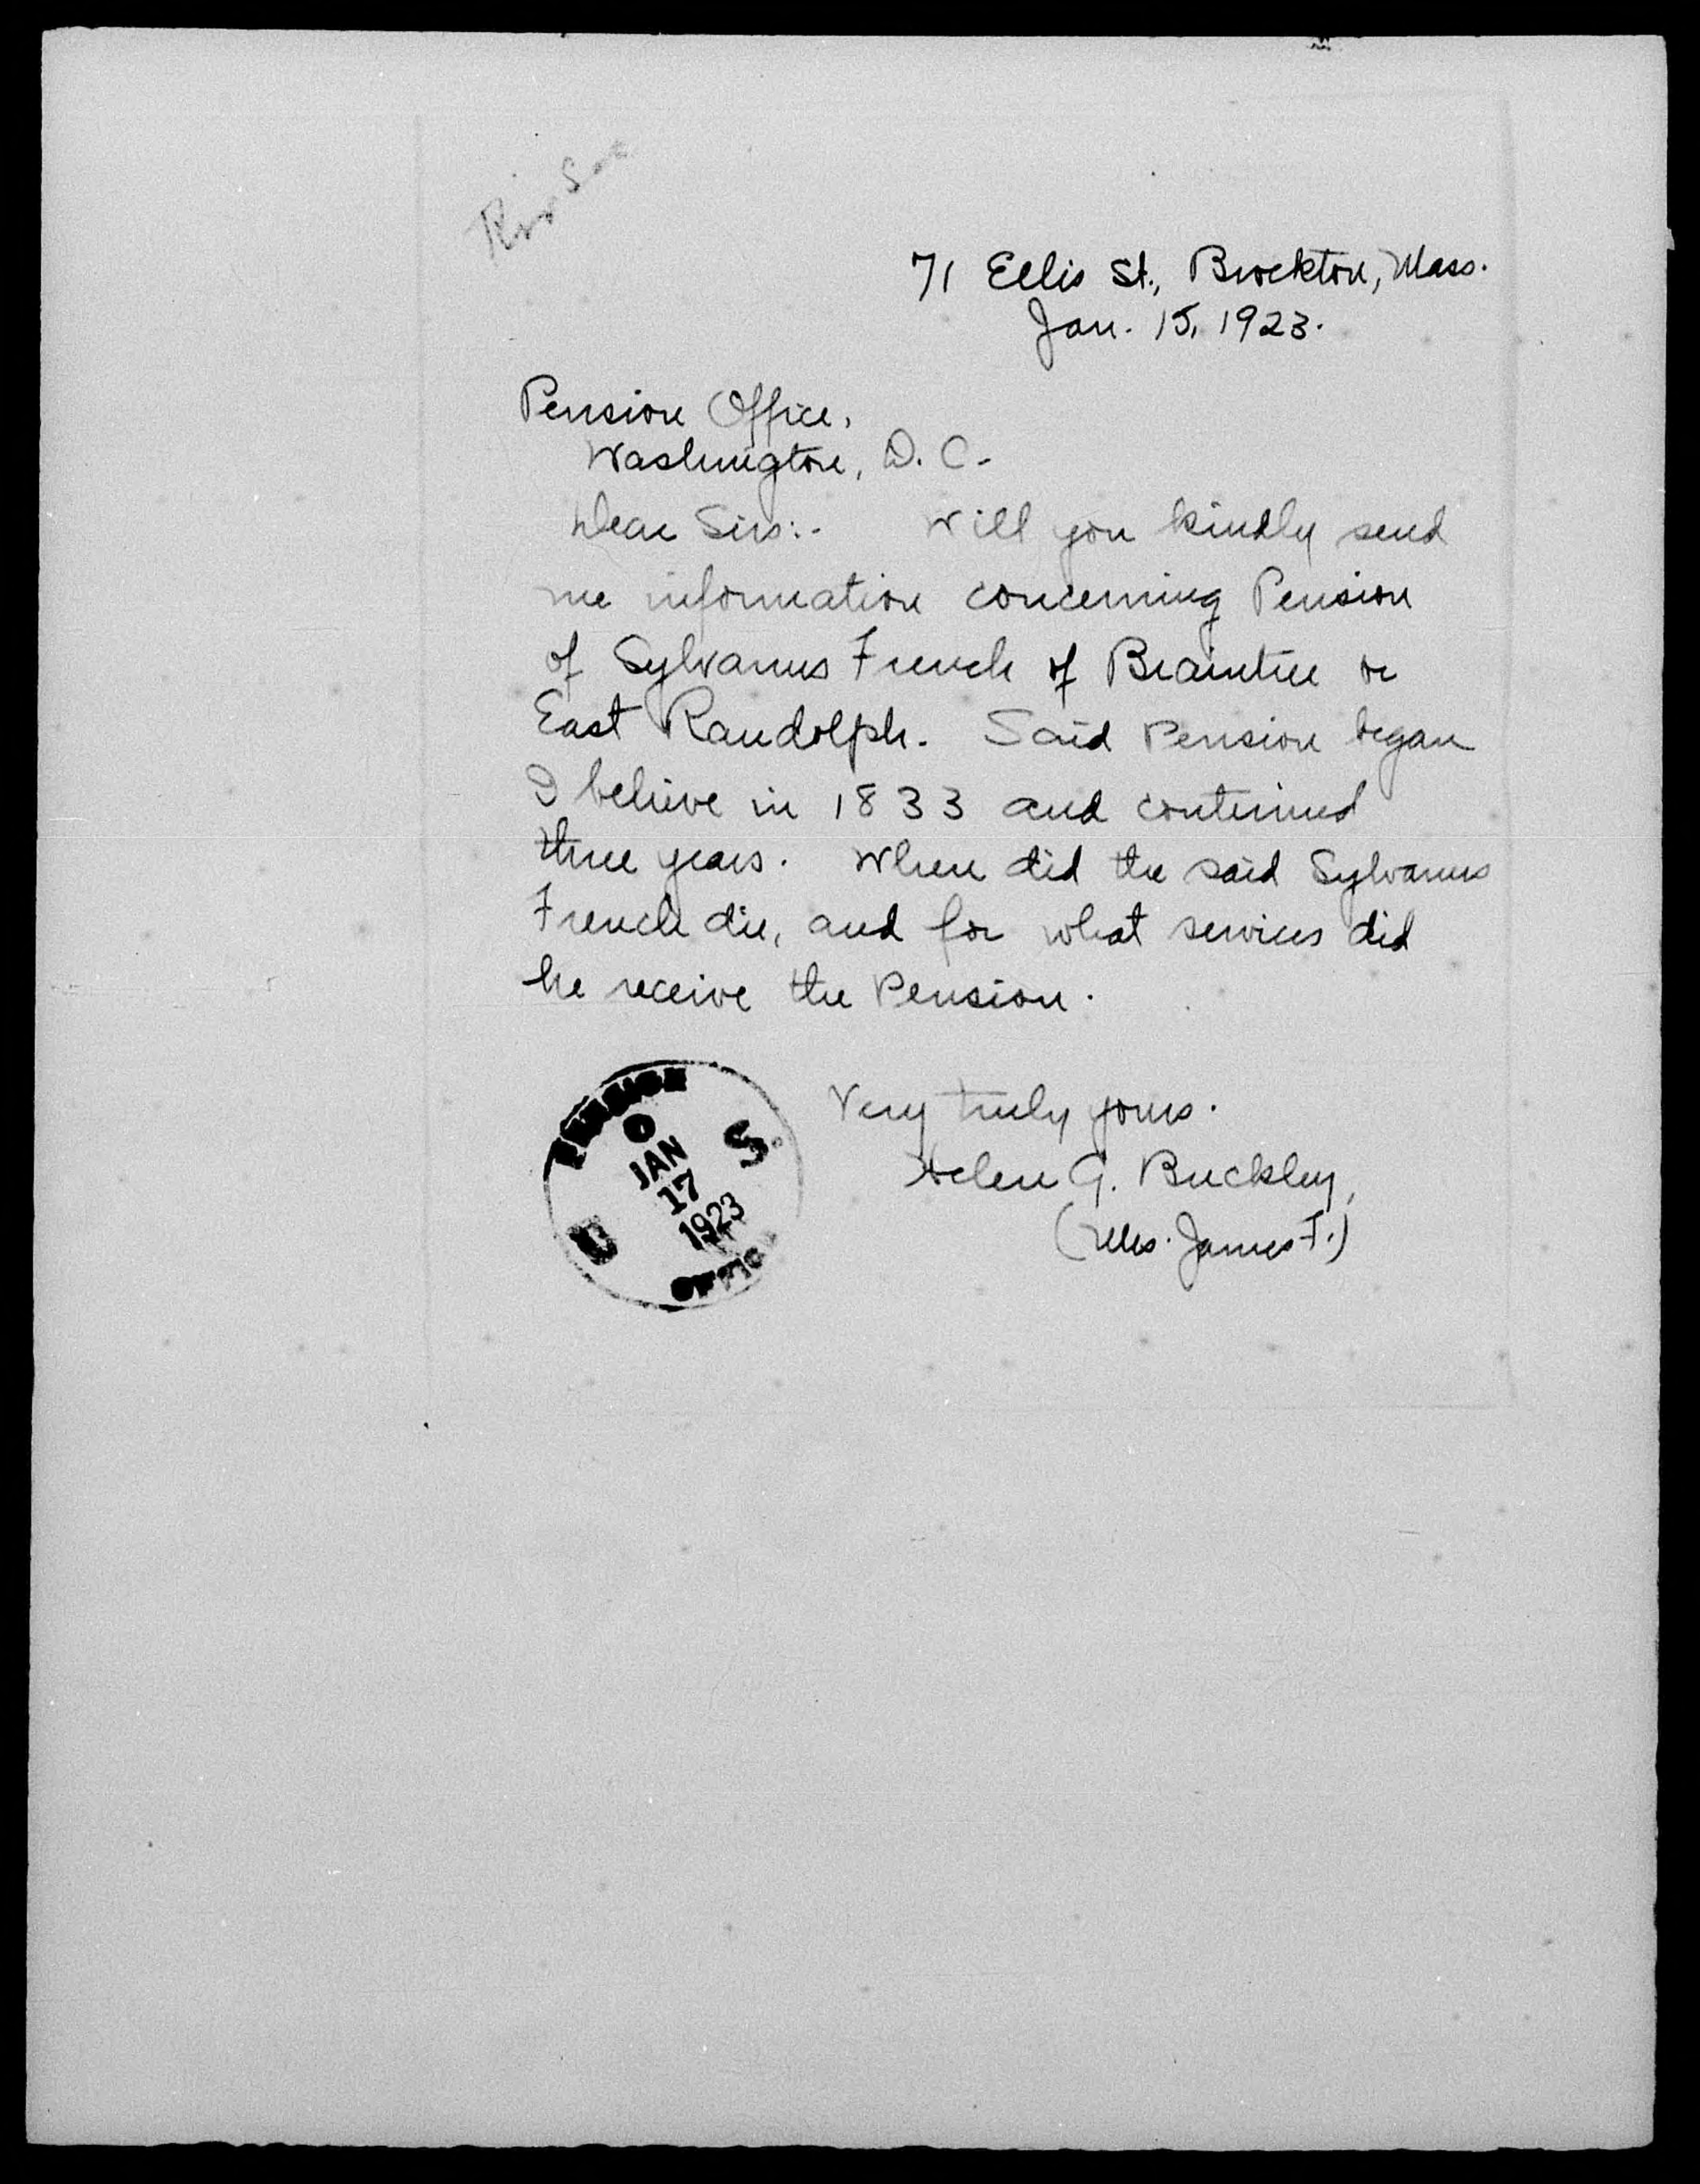Rev. Sec.

71 Ellis St., Brockton, Mass. 
Jan. 15, 1923. 

Pension Office,
Washington, D.C. 

Dear Sirs: Will you kindly send 
me information concerning Pension 
of Sylvanus French of Braintree or 
East Randolph. Said Pension began 
I believe in 1833 and continued 
three years. Where did the said Sylvanus 
French die, and for what services did 
he receive the Pension.
 
Very truly yours. 
Helen G. Buckley (Mrs. James F.)

[date stamped U.S. PENSION OFFICE JAN 17 1923]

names: Sylvanus French, Sylvanus French, Helen G Buckley, James F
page: 32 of 38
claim: widow's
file: W. 24,235, Silvanus French, Mass.